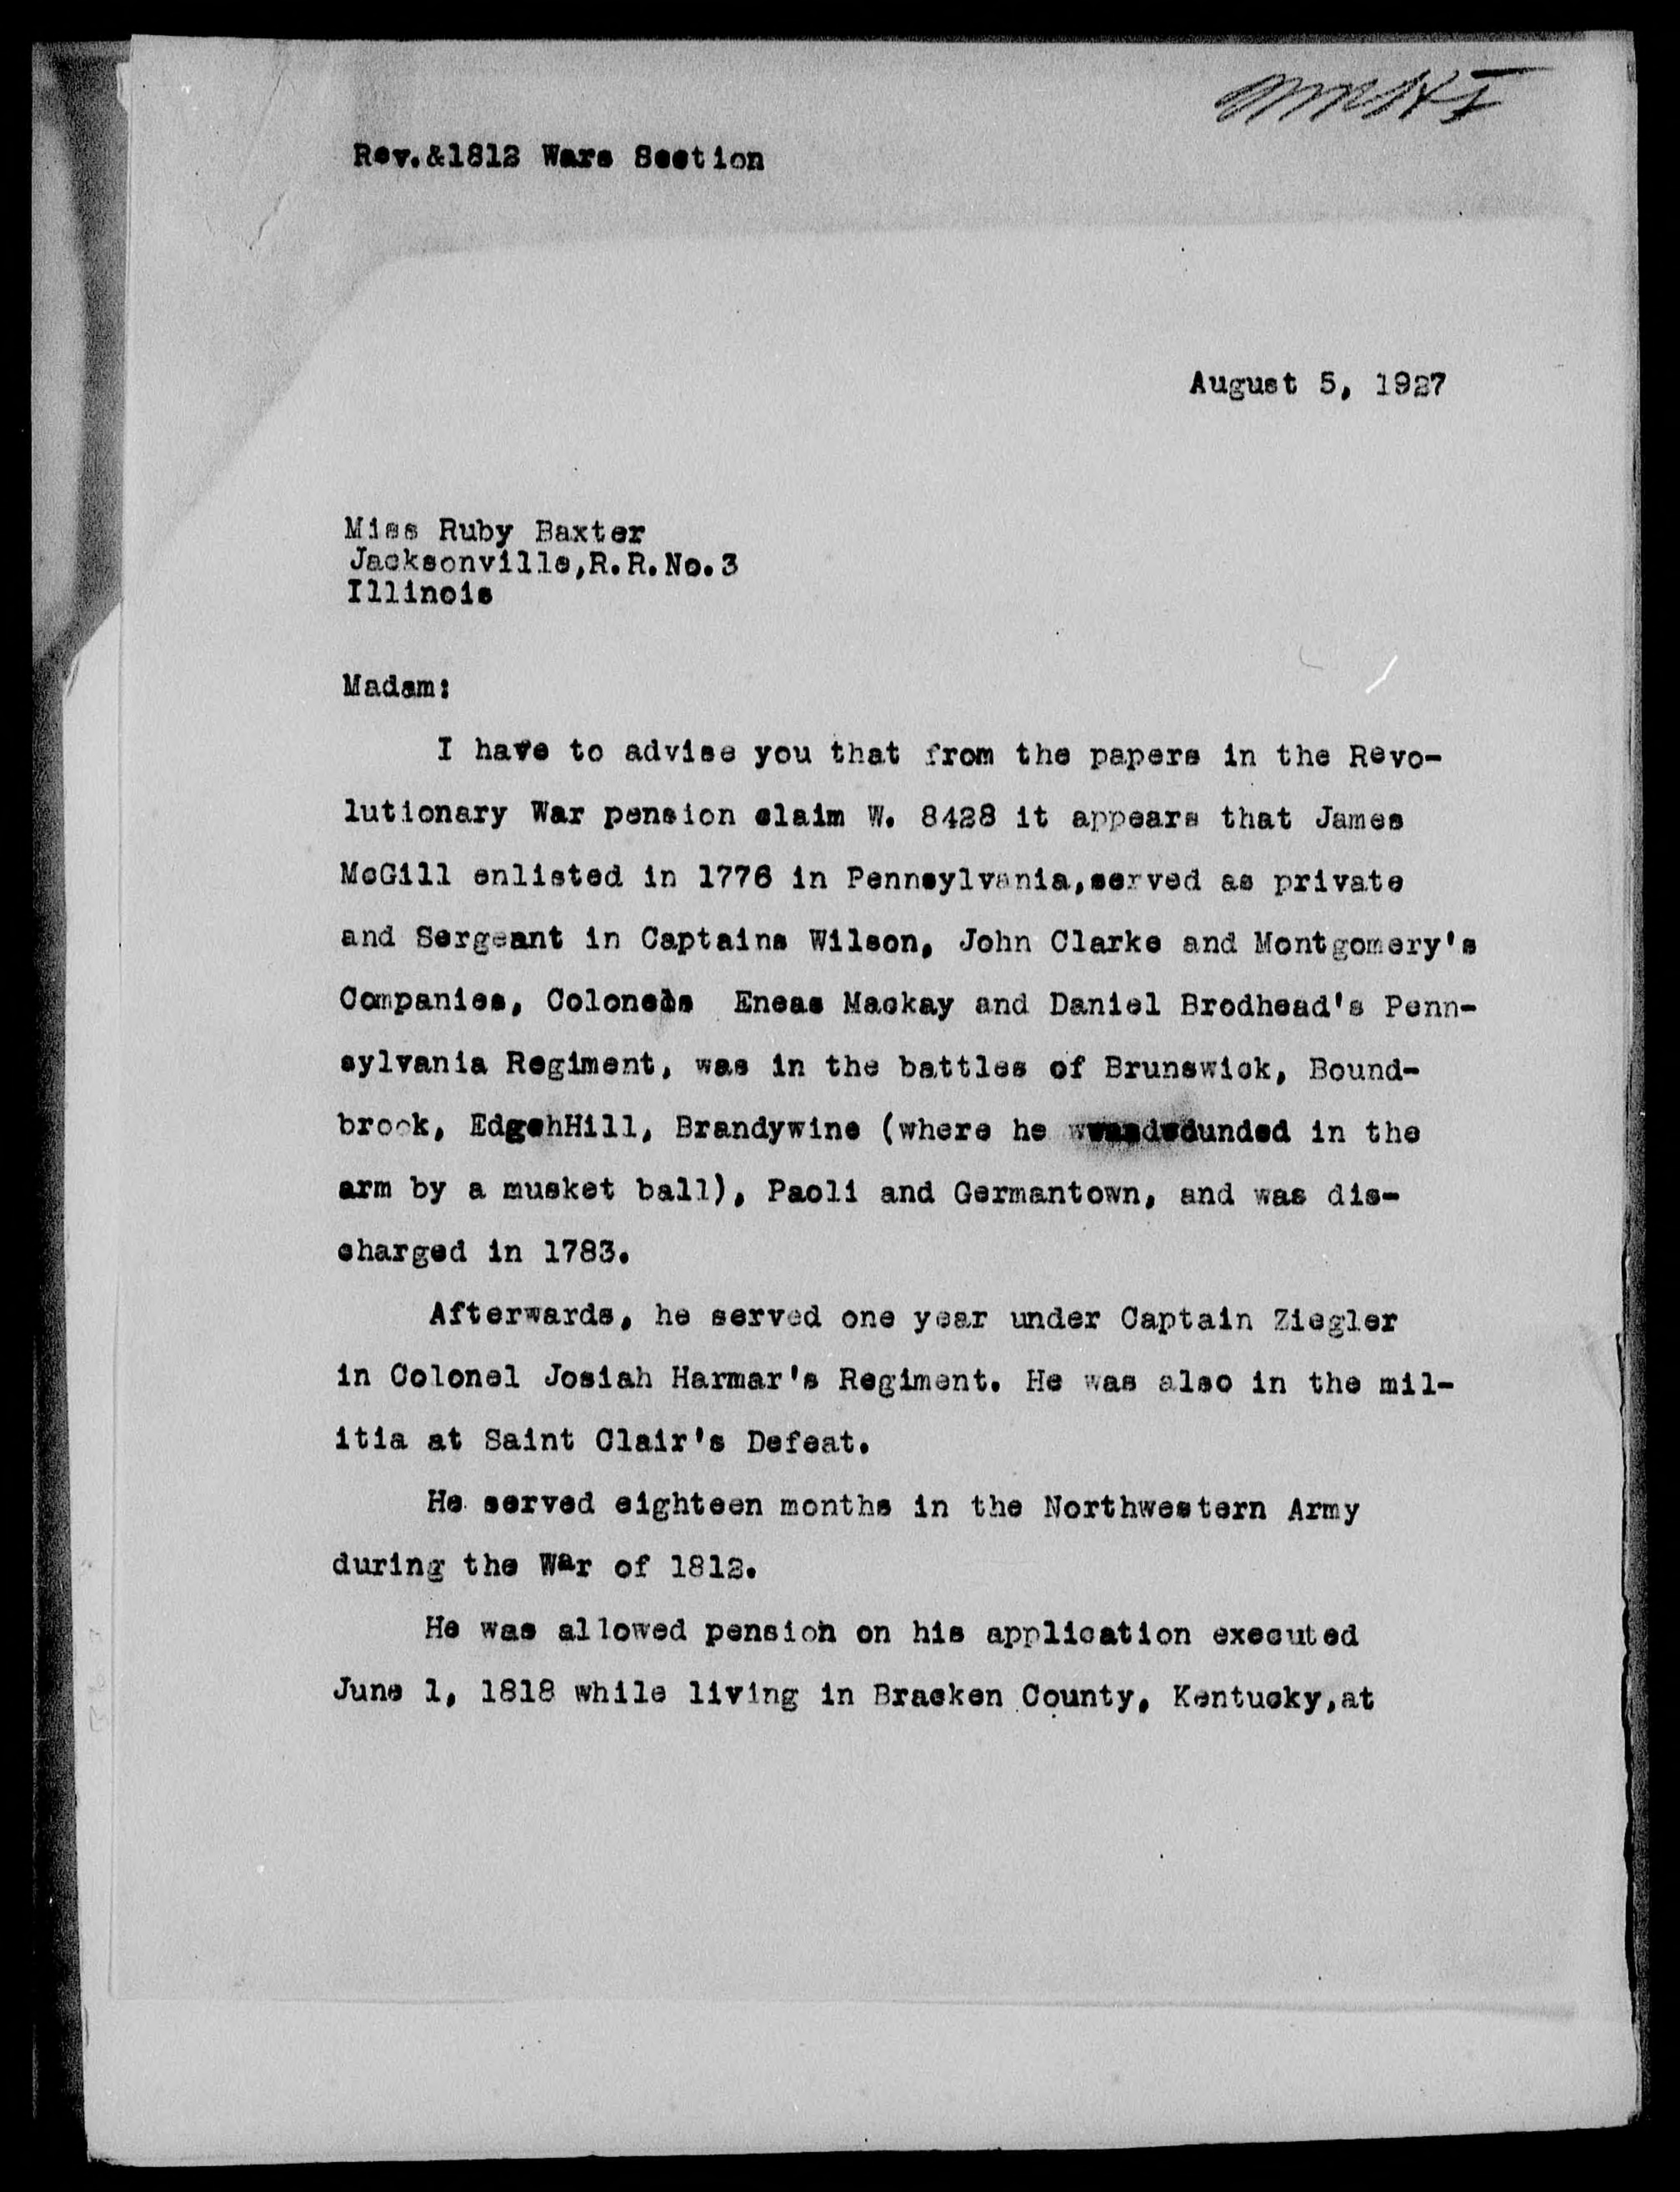Image 121    		   4160873_00121		 
Fold3 File #23857287             
[Letter]           
Rev. & 1812 Wars Section  August 5, 1927   
[To]  Miss Ruby Baxter, Jacksonville, R.R. No. 3 Illinois       
Madam:  I have to advice you that from the papers in the Revolutionary War pension claim w. 8438 it appears that James McGill enlisted in 1776 in Pennsylvania, served as private and Sergeant in Captains Wilson, John Clarke and Montgomery's Companies, Colonels Eneas Mackay and Daniel Brodhead’s Pennsylvania Regiment, was in the battles of Brunswick, BoundBrook [Bound Brook], Edge Hill, Brandywine (where he was wounded in the arm by a musket ball), Paoli and Germantown, and  was discharged in 1783.
Afterwards, he served one year under Captain Ziegler in Colonel Josiah Harmar’s Regiment. He was also in the militia at Saint Clair’s Defeat.
He served eighteen months In the Northwestern Army during the war of 1812. He was allowed pension on his application executed June 1, 1818 while living in Bracken County, Kentucky, at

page: 63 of 71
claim: widow's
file: W. 8428, for James Mc Gill, Pennsylvania